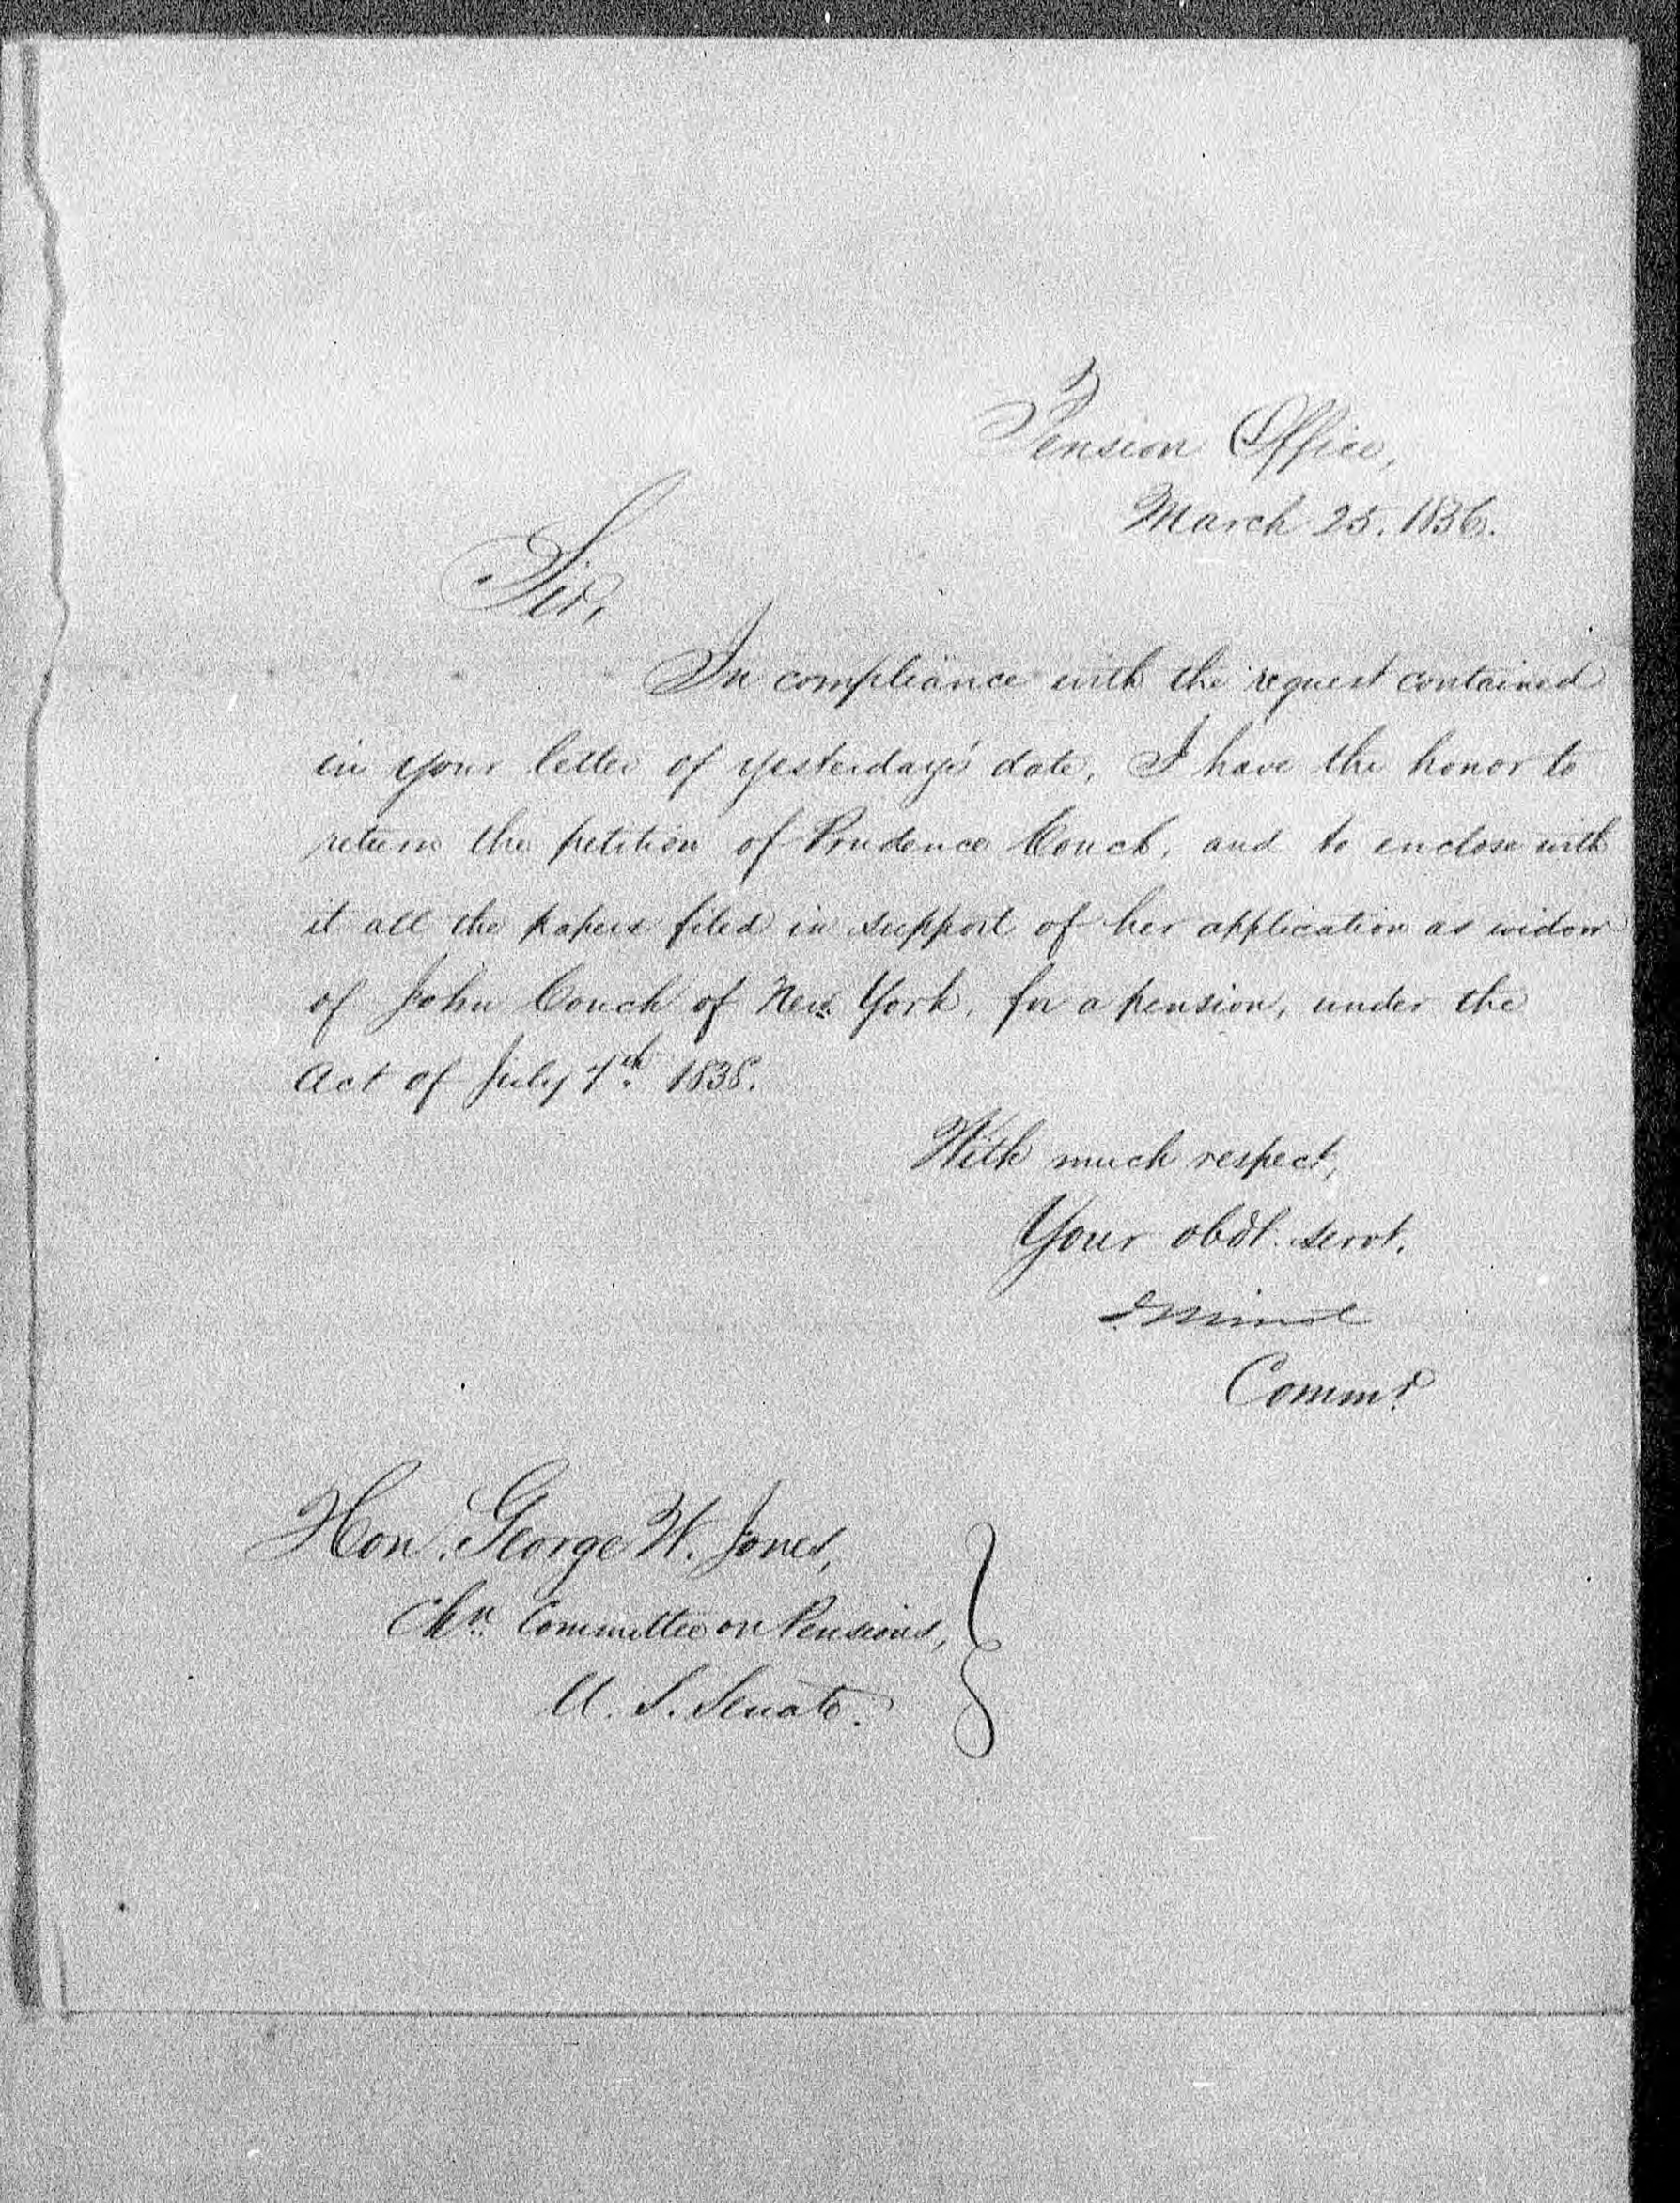Pension Office
March 25, 1836
Sir,
In compliance with the request contained in your letter of yesterday's date, I have the honor to return the petition of Prudence Couch, and to enclose with it all the papers filed in support of her application as widow of John Couch of New York, for a pension, under the act of July 7th 1838.
With much respect, your obdt servt
J Minot
Commr

Hon. George W. Jones
chr committee on Pensions
U. S. Senate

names: J Minot, George W Jones, John Couch, Prudence Couch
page: 53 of 68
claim: rejected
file: R. 2,360, John Couch, Conn.